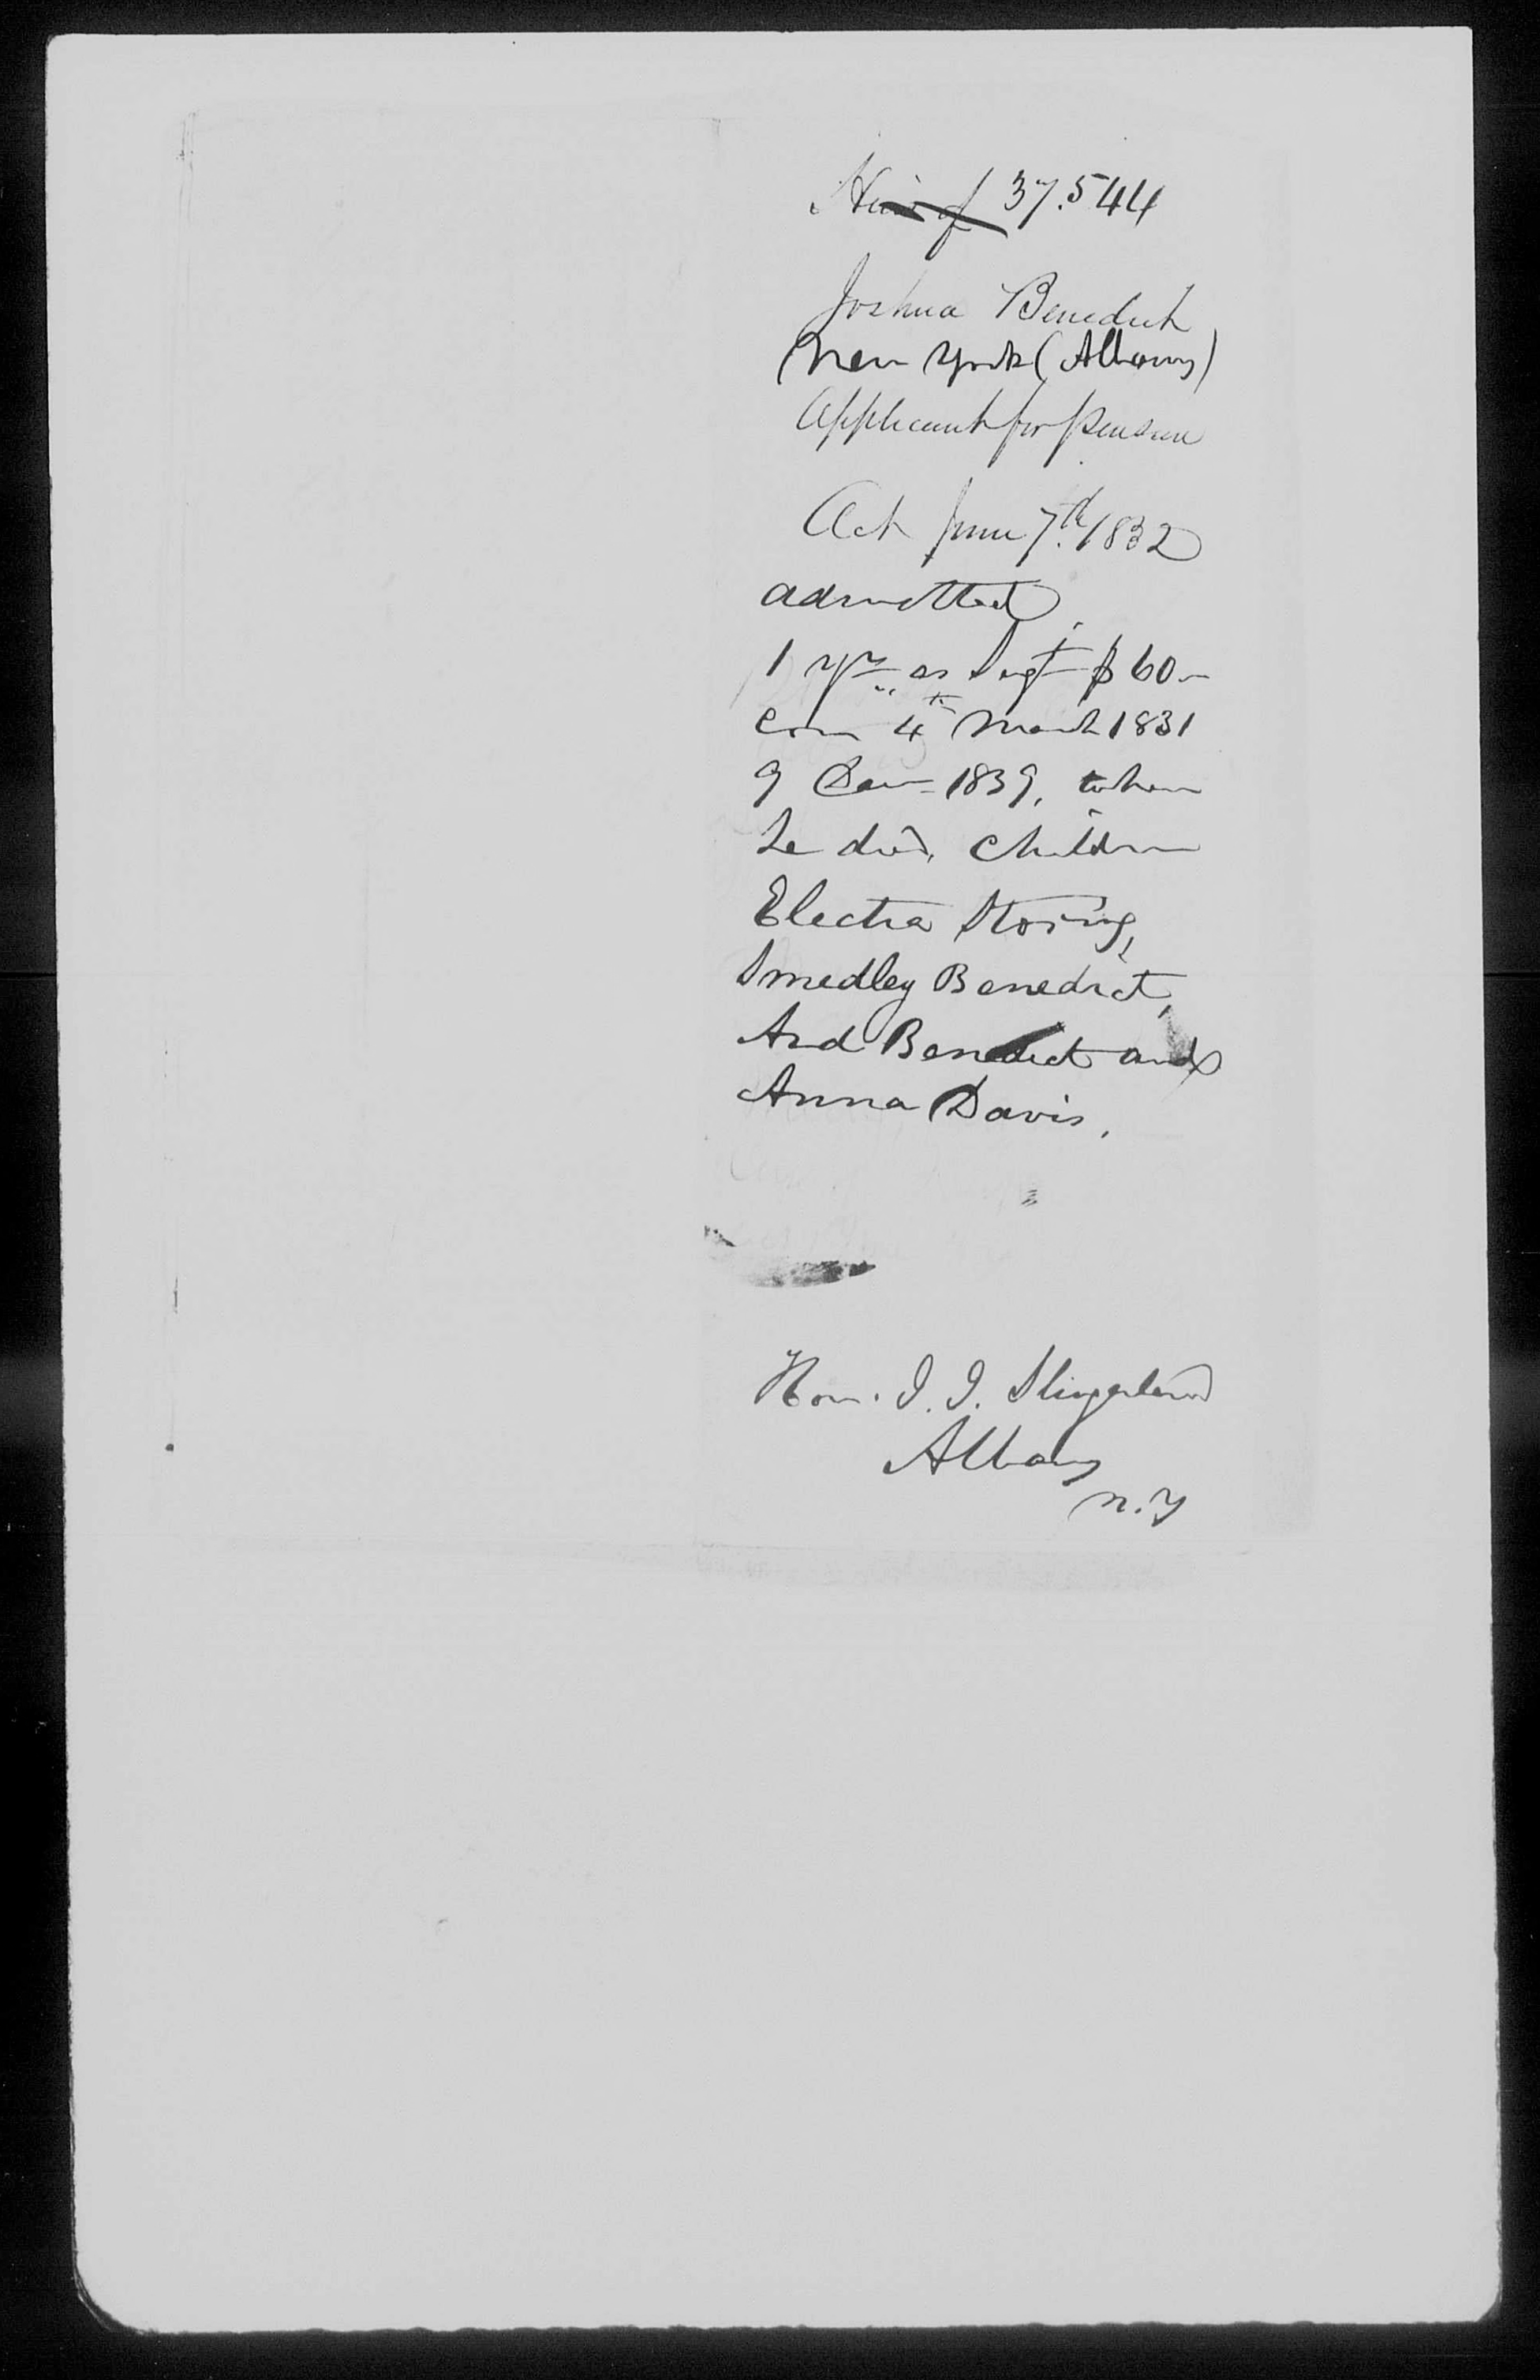Heirs of [crossed out] 37.544

Joshua Benedict
New York (Albany)
Applicant for Pension

Act June 7th 1832
admitted

1 yr as Sgt - $60~
com 4th March 1831
9 Decr. 1839. when he died. Children Electra Storing, Smedley Benedict, Ard Benedict and Anna Davis.

Hon. J. J. Slingerland
Albany
N.Y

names: Electra Storing, Ard Benedict, Joshua Benedict, J J Slingerland, Anna Davis, Smedley Benedict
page: 52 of 106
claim: survivor's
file: S 23,116., Joshua Benedict, Conn.